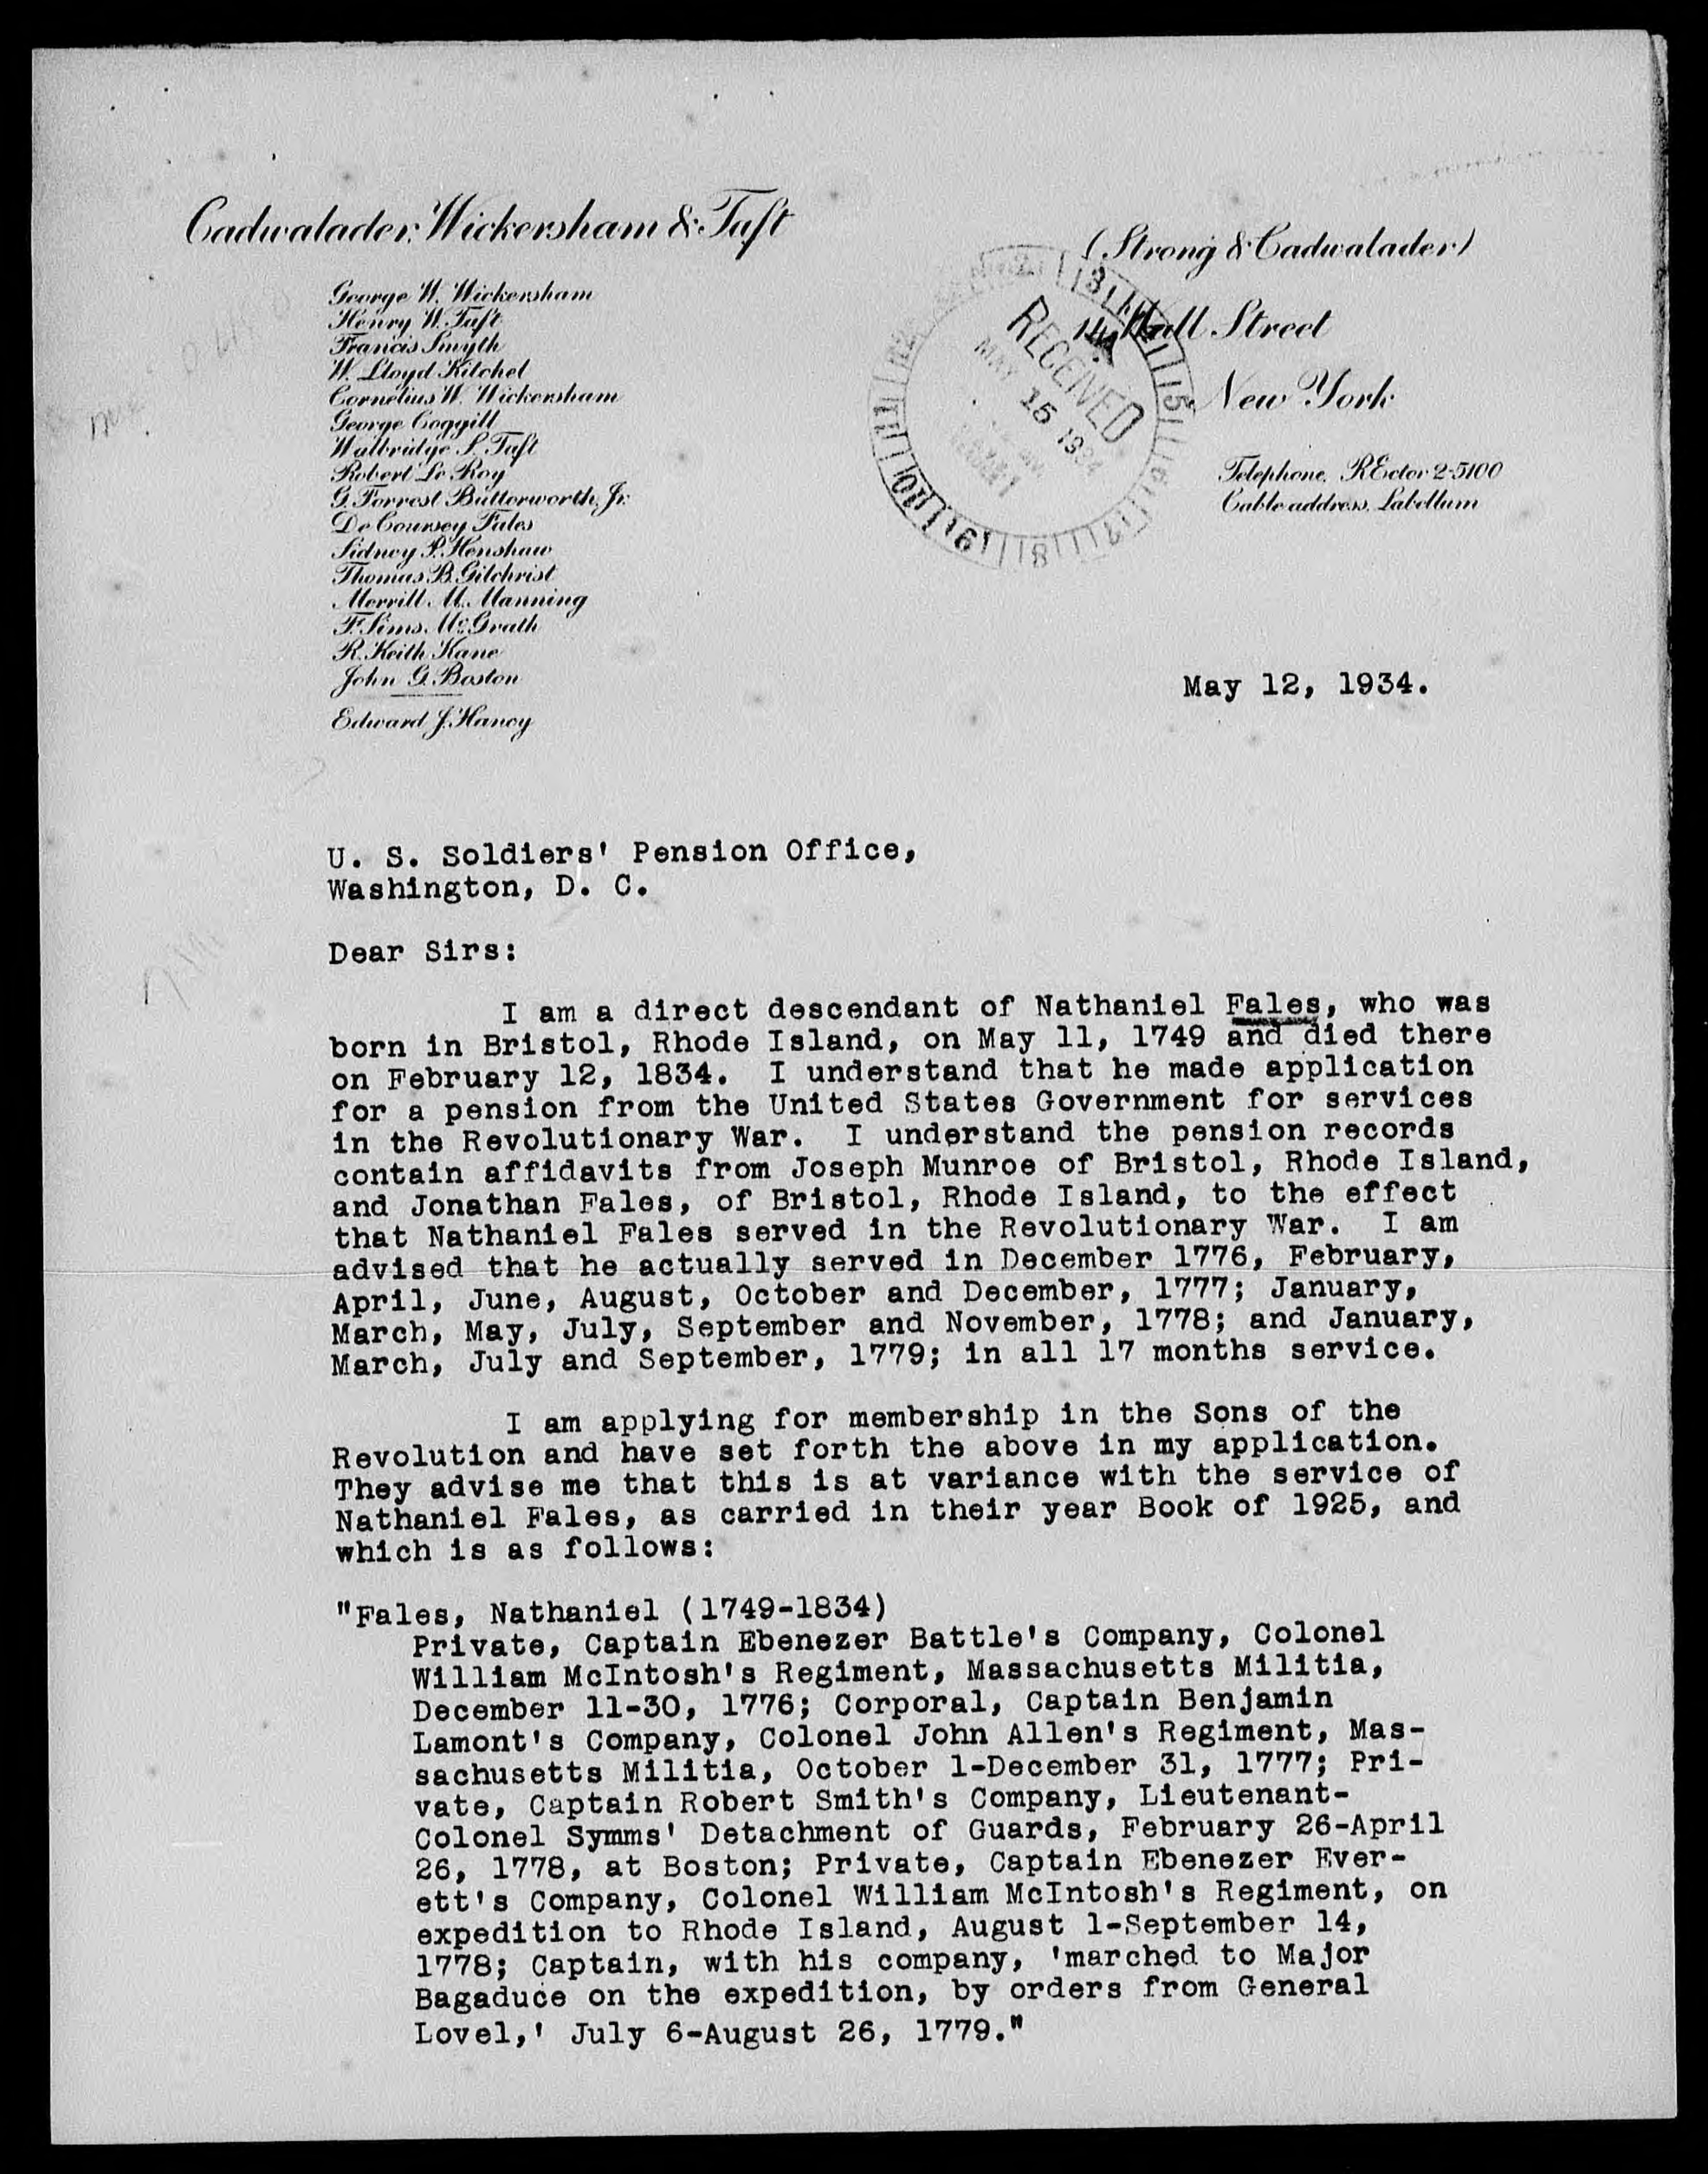Cadwaladers Wickersham & Taft

Hader Wickersham & Tust
George W. Wickersham
Henry W. Tull
Francis Smith
W. Lloyd Kitchel
Cornelius W. Wickersham
George Corgill
Walbridge S. Tust
Robert Le Roy
G. Forrest Butterworth Jr.
Do Conney Pales
Sidney P. Henshaw
Thomas B Gilchrist
Morrill Mallanning
Time W Grath
R. Keith Kane
John G. Boston
Edward J. Haney
5
Strong & Cadwalader
New York
Telephone Rader 2-5100
Cable addore, Labour

U. S. Soldiers' Pension Office,
Washington, D. C.

May 12, 1934.

Dear Sirs:
I am a direct descendant of Nathaniel Fales, who was born in Bristol, Rhode Island, on May 11, 1749 and died there on February 12, 1834, I understand that he made application for a pension from the United States Government for services in the Revolutionary War. I understand the pension records contain affidavits from Joseph Munroe of Bristol, Rhode Island, and Jonathan Fales, of Bristol, Rhode Island, to the effect that Nathaniel Fales served in the Revolutionary War. I am advised that he actually served in December 1776, February, April, June, August, October and December, 1777; January, March, May, July, September and November, 1778; and January,
March, July and September, 1779; in all 17 months service.

I am applying for membership in the Sons of the Revolution and have set forth the above in my application. They advise me that this is at variance with the service of Nathaniel Fales, as carried in their year Book of 1925, and
which is as follows:
"Fales, Nathaniel (1749 - 1834 )
Private, Captain Ebenezer Battle's Company, Colonel William McIntosh's Regiment, Massachusetts Militia, December 11 - 30, 1776; Corporal, Captain Benjamin Lamont's Company, Colonel John Allen's Regiment, Massachusetts Militia, October 1 December 31, 1777; Private , Captain Robert Smith's company, Lieutenant- Colonel Symms' 
 detachment of Guards, February 26 April
26, 1778, at Boston; Private, Captain Ebenezer Everett's Company, Colonel William McIntosh's Regiment, on expedition to Rhode Island, August 1 -- September 14, 1778; Captain, with his company, marched to Major Bagaduce on the expedition, by orders from General Lovel, July 6 -- August 26, 1779."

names: Nathaniel Fales, Strong, R Keith Kane, Geroge W Wickersham, Joseph Munroe, W Lloyd Kitchel, Sidney P Henshaw, G Forrest Butterworth, Cadwalader, Nathaniel Fales, De Coursey Fales, Thomas B Gilchrist, Edward J Hanoy, George Coggill, Cadwalader, Nathaniel Fales, Bagaduce, Taft, Walbridge S Taft, Francis Smyth, Lovel, Nathaniel Fales, F Sims Mc Grath, Jonathan Fales, Henry W Taft, Wickersham, Robert Le Roy, John G Boston, Cornelius W Wickersham, Merrill M Manning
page: 30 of 32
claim: widow's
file: W. 24,173, Nathaniel Fales, R.I.